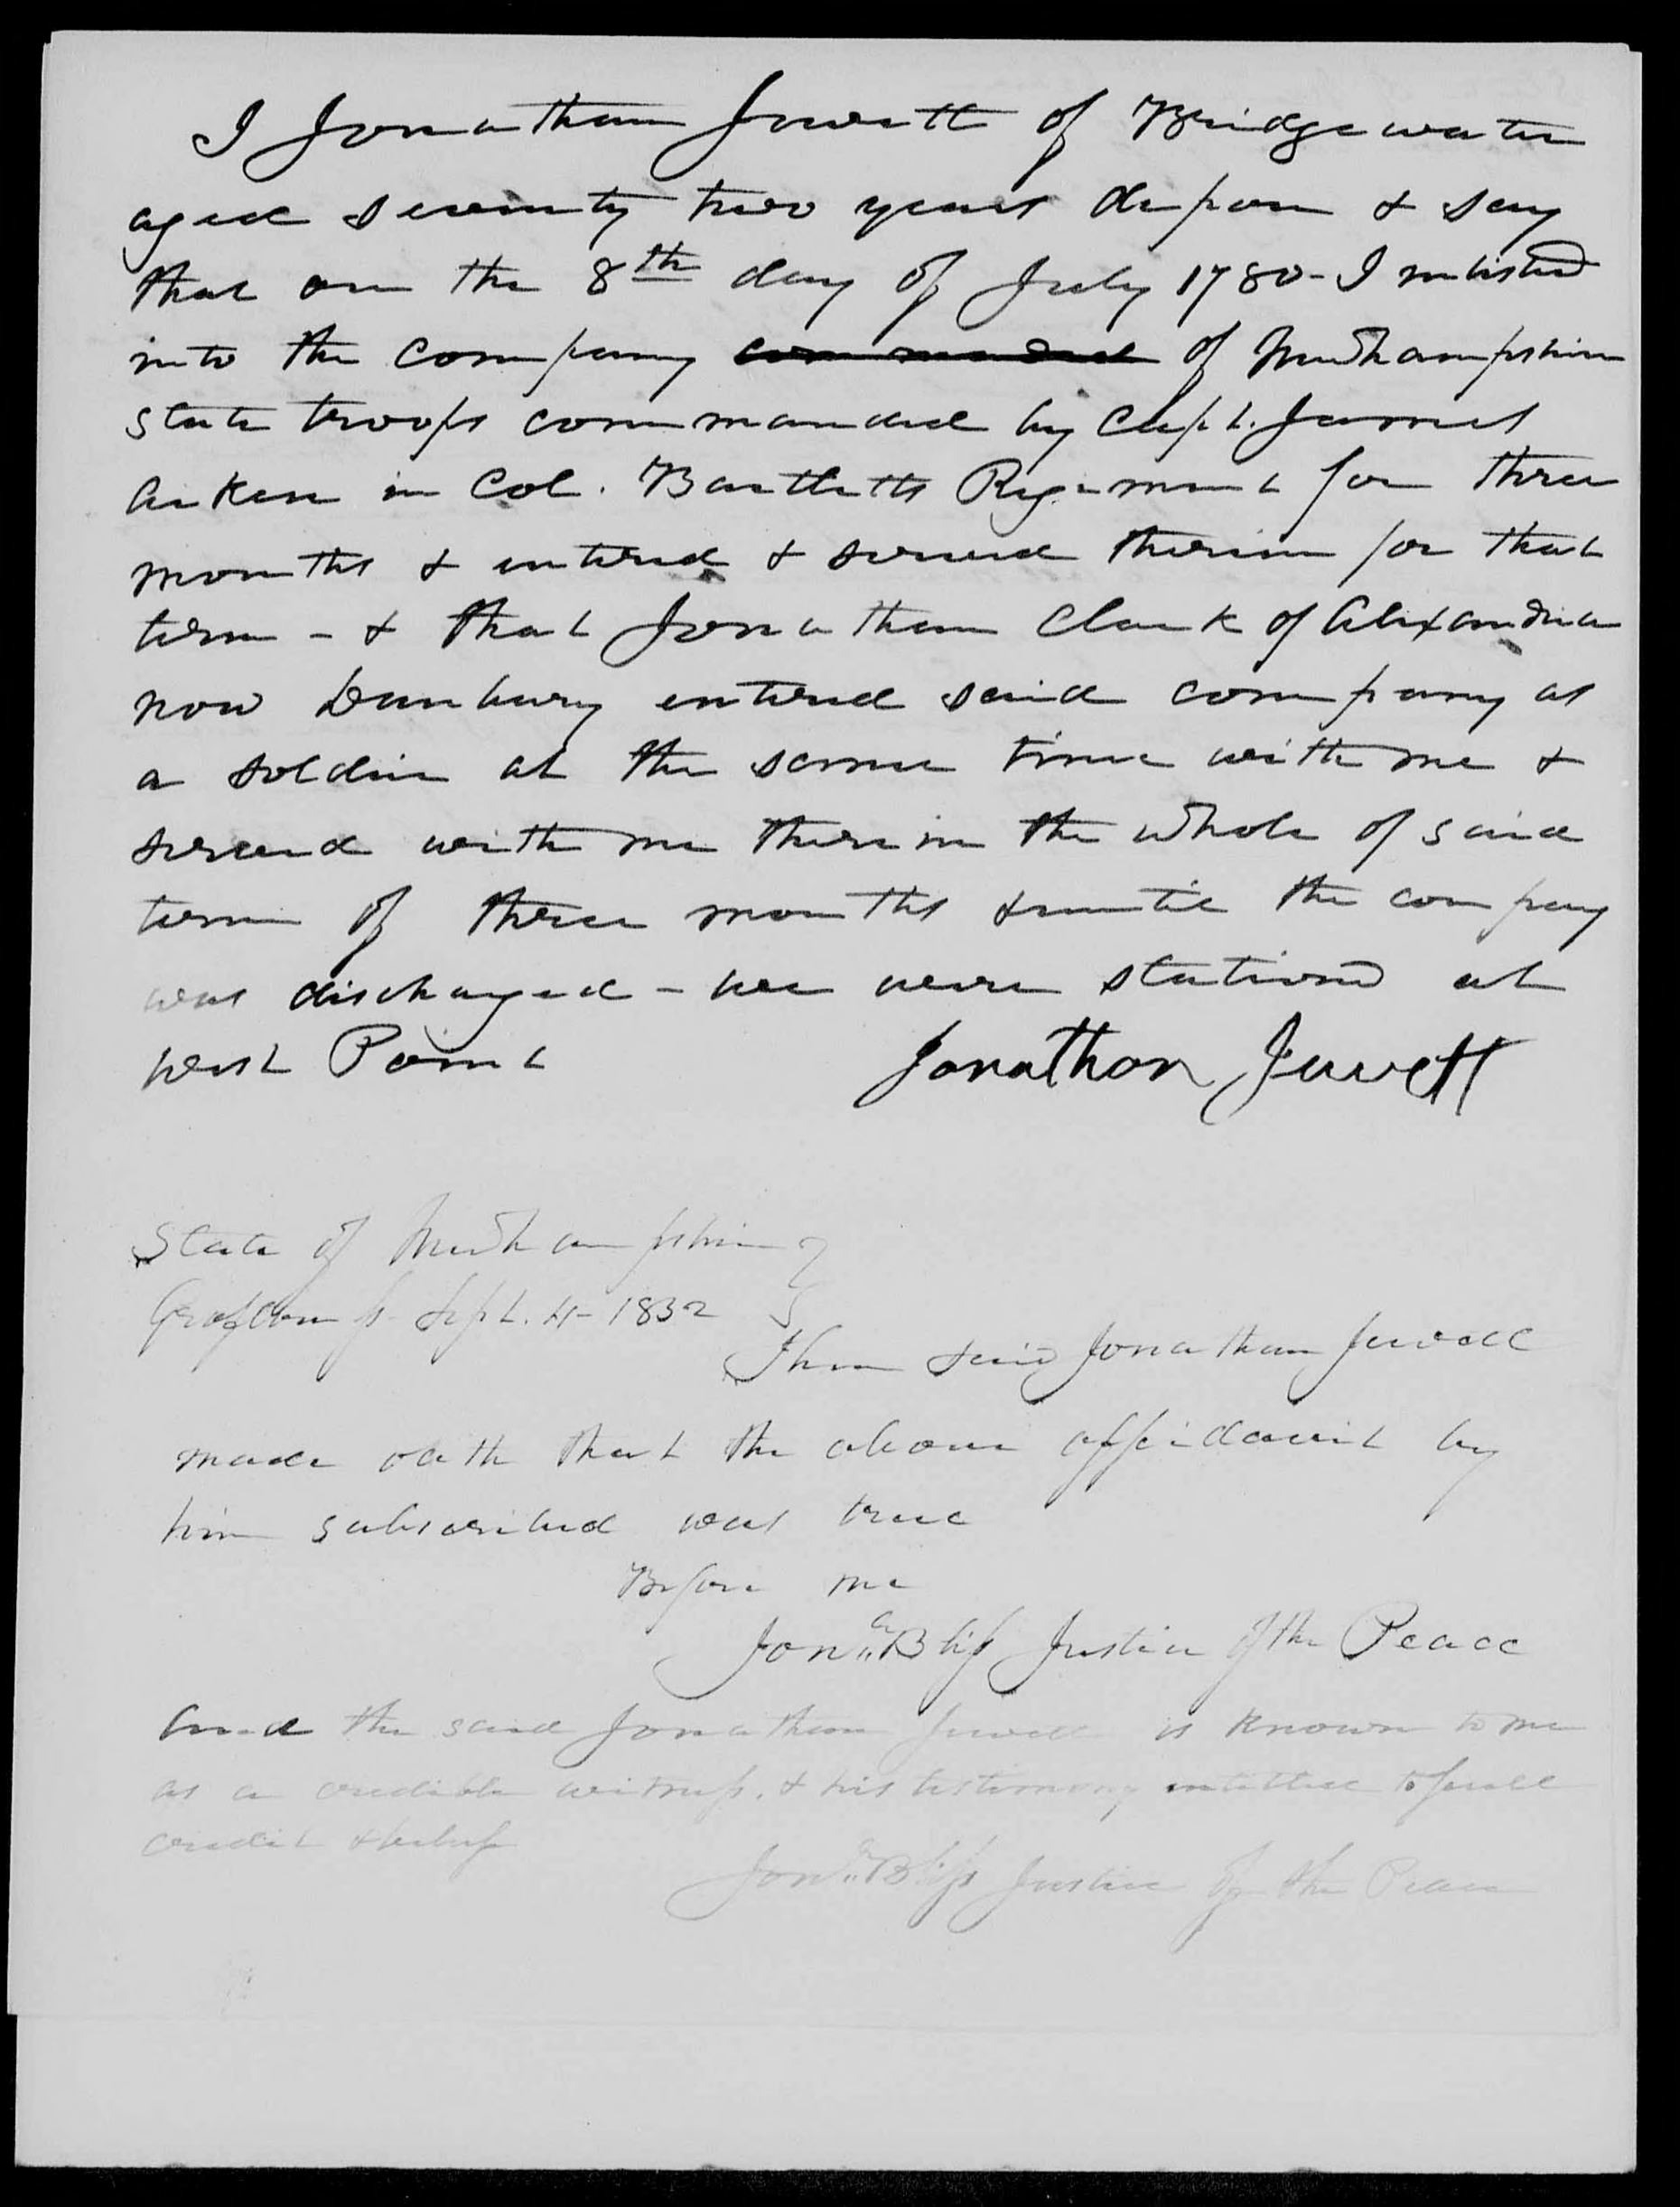I Jonathan Jewett of Bridgewater
aged seventy two years depose & say
that on the 8th day of July 1780 I enlisted
into the company  of New Hampshire
state troops commanded by Capt James
Aiken in Col. Bartletts Regiment for three
months & entered & served therein for that
term & that Jonathan Clark of Alexandria
now Danbury entered said company as a
soldier at the same time with me &
served with me therein the whole of said
term of three months & until the company
was discharged-- we were stationed at
West Point
Jonathan Jewett

 
State of Newhampshire 
Grafton Sept. 4. 1832
Then Jonathan Jewell
made oath that the above affidavit by
him subscribed was true
Before me
Jones Bliss Justice of the Peace
and the said Jonathan Jewell is known to me
as a credible witness & his testimony entitled to full credit & belief
Jones Justice of the Peace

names: Jona Bliss, Jonathan Jewett, Jonathan Clark, Jonathan Jewett, Jona Bliss, James Aiken, Jonathan Jewett, Jonathan Jewett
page: 9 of 18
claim: survivor's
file: S. 12,512, Jonathan Clark, Mass. N.H.